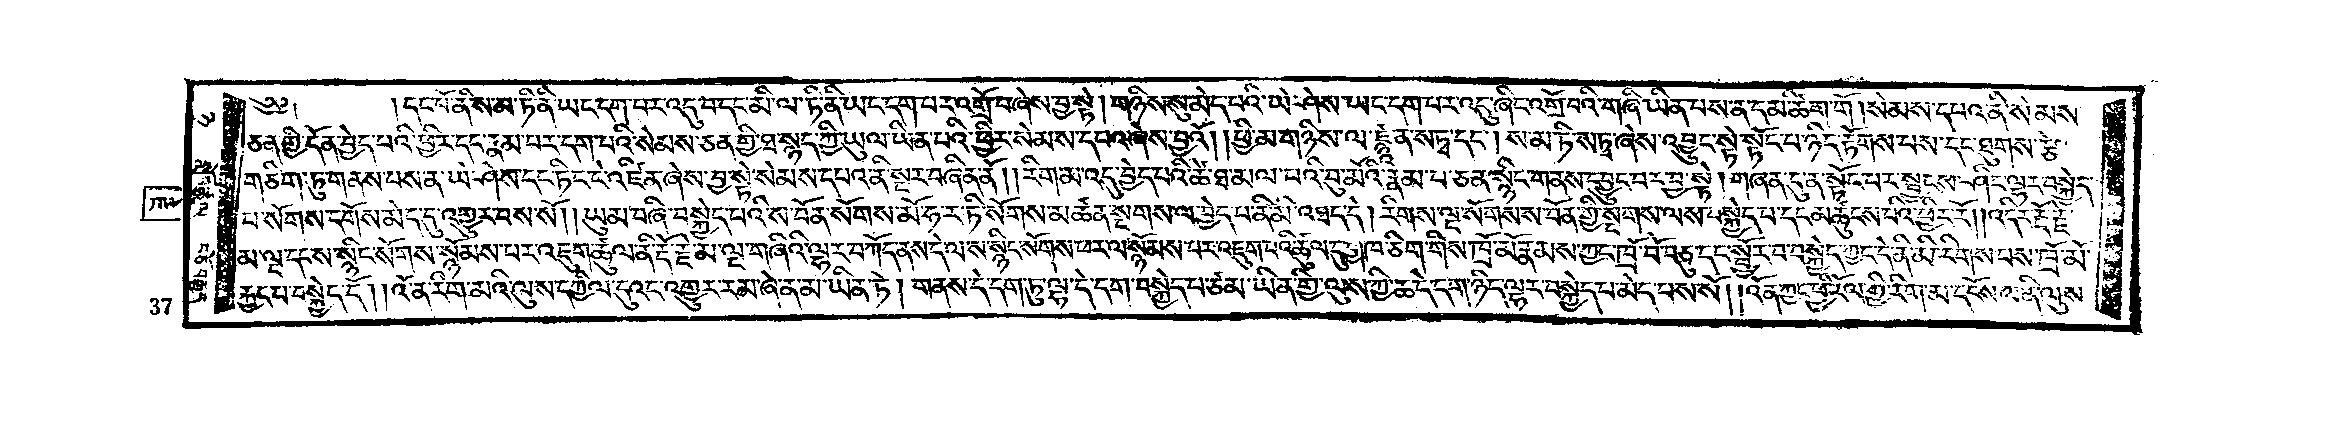༄༅། །དང་པོ་ནི་ས་མ་ཏི་ནི་ཡང་དག་པར་འདུ་བ་དང་མི་ལ་ཏི་ནི་ཡང་དག་པར་འགྲོ་བ་ཞེས་བྱ་སྟེ། གཉིས་སུ་མེད་པའི་ཡེ་ཤེས་ཡང་དག་པར་འདུ་ཞིང་འགྲོ་བའི་གཞི་ཡིན་པས་ན་དམ་ཚིག་གོ །སེམས་དཔའ་ནི་སེམས་
ཅན་གྱི་དོན་བྱེད་པའི་ཕྱིར་དང་རྣམ་པར་དག་པའི་སེམས་ཅན་གྱི་ཐ་སྙད་ཀྱི་ཡུལ་ཡིན་པའི་ཕྱིར་སེམས་དཔའ་ཞེས་བྱའོ། །ཕྱི་མ་གཉིས་ལ་ཛྙཱ་ན་སཏྭ་དང་། ས་མ་ཏི་སཏྭ་ཞེས་འབྱུང་སྟེ་སྟོང་པ་ཉིད་རྟོགས་པས་དང་ཐུགས་རྩེ་
གཅིག་ཏུ་གནས་པས་ན་ཡེ་ཤེས་དང་ཏིང་ངེ་འཛིན་ཞེས་བྱ་སྟེ་སེམས་དཔའ་ནི་སྔར་བཞིན་ནོ། །རིག་མ་འདུ་བྱེད་པའི་ཚེ་ཐ་མལ་པའི་བུ་མོའི་རྣམ་པ་ཅན་སྙིང་ག་ནས་དབྱུང་བར་བྱ་སྟེ། གཞན་དུ་ན་སྟོང་པར་སྦྱངས་ཤིང་ལྷར་བསྐྱེད་
པ་སོགས་དགོས་མེད་དུ་འགྱུར་བས་སོ། །ཡུམ་བཞི་བསྐྱེད་པའི་ས་བོན་སོགས་མོ་ཧ་ར་ཏི་སོགས་མཚན་སྔགས་ལ་བྱེད་པ་ནི་མི་འཐད་དེ། རིགས་ལྔ་སོགས་ས་བོན་གྱི་སྔགས་ལས་བསྐྱེད་པ་དང་མཚུངས་པའི་ཕྱིར་རོ། །འདིར་རྡོ་རྗེ་
མ་ལྔ་དང་ས་སྙིང་སོགས་སྙོམས་པར་འཇུག་ཚུལ་ནི་རྡོ་རྗེ་མ་ལྔ་གཞིའི་ལྷར་བཀོད་ནས་དེ་ལ་ས་སྙིང་སོགས་ཕར་ལ་སྙོམས་པར་འཇུག་པའི་ཚུལ་དུ་བྱ། ཁ་ཅིག་གིས་ཁྲོ་མོ་རྣམས་ཀྱང་ཁྲོ་བོ་བཅུ་དང་སྦྱོར་བ་བསྐྱེད་ཀྱང་དེ་ནི་མི་རིགས་པས་ཁྲོ་མོ་
རྐྱང་པ་བསྐྱེད་དོ། །འོ་ན་རིག་མའི་ལུས་དཀྱིལ་དུའང་འགྱུར་རམ་ཞེ་ན་མ་ཡིན་ཏེ། གནས་དེ་དག་ཏུ་ལྷ་དེ་དག་བསྐྱེད་པ་ཙམ་ཡིན་གྱི་ལུས་ཀྱི་ཆ་དེ་དག་ཉིད་ལྷར་བསྐྱེད་པ་མེད་པས་སོ། །འོན་ཀྱང་ཕྱི་རོལ་གྱི་རིག་མ་དངོས་ལ་ནི་ལུས་